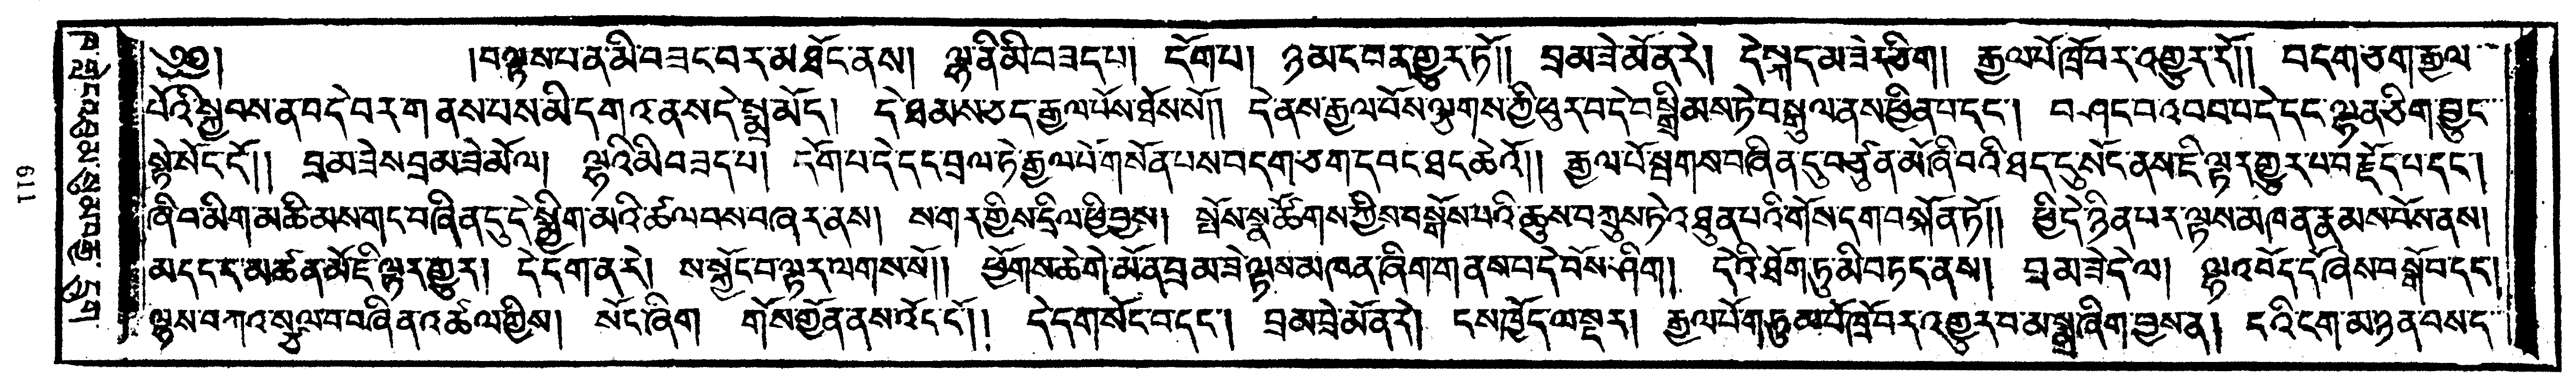༄༅། །བལྟས་པ་ན་མི་བཟང་བར་མཐོང་ནས། ལྷ་ནི་མི་བཟད་པ། དོག་པ། ཉ་མང་བར་གྱུར་ཏོ།། བྲམ་ཟེ་མོ་ན་རེ། དེ་སྐད་མ་ཟེར་ཅིག། རྒྱལ་པོ་ཁྲོ་བར་འགྱུར་རོ།། བདག་ཅག་རྒྱལ་
པོའི་སྐྱབས་ན་བདེ་བར་གནས་པས་མི་དགའ་ནས་དེ་སྨྲ་མོད། དེ་ཐམས་ཅད་རྒྱལ་པོས་ཐོས་སོ།། དེ་ནས་རྒྱལ་པོས་ལྕགས་ཀྱི་ཕུར་བ་དེ་བསྒྲིམས་ཏེ་བསྒུལ་ནས་ཕྱིན་པ་དང་། བཤང་བ་འབབ་པ་དེ་དང་ལྷན་ཅིག་བྱུང་
སྟེ་སོང་ངོ།། བྲམ་ཟེས་བྲམ་ཟེ་མོ་ལ། ལྷའི་མི་བཟད་པ། དོག་པ་དེ་དང་བྲལ་ཏེ་རྒྱལ་པོ་གསོན་པས་བདག་ཅག་དབང་ཐང་ཆེའོ།། རྒྱལ་པོ་སྦགས་བཞིན་དུ་བཙུན་མོ་ཞི་བའི་ཐད་དུ་སོང་ནས་ཇི་ལྟར་གྱུར་པ་བརྗོད་པ་དང་།
ཞི་བ་མིག་མཆི་མས་གང་བཞིན་དུ་དེ་སྨྱིག་མའི་ཚལ་བས་བཞར་ནས། ས་གར་གྱིས་དྲིལ་ཕྱི་བྱས། སྤོས་སྣ་ཚོགས་ཀྱིས་བསྒོས་པའི་ཆུས་བཀྲུས་ཏེ་འཐུན་པའི་གོས་དག་བསྐོན་ཏོ།། ཕྱི་དེ་ཉིན་པར་ལྟས་མཁན་རྣམས་པོས་ནས།
མདང་ང་མཚན་མོ་ཇི་ལྟར་གྱུར། དེ་དག་ན་རེ། ས་སྐྱོང་བ་ལྟར་ལགས་སོ།། ཕྱོགས་ཆེ་གེ་མོ་ན་བྲམ་ཟེ་ལྟས་མཁན་ཞིག་གནས་པ་དེ་བོས་ཤིག། དེའི་ཐོག་ཏུ་མི་བཏང་ནས། བྲམ་ཟེ་དེ་ལ། ལྷ་འབོད་དོ་ཞེས་བསྒོབ་དང་།
ལྷས་བཀའ་སྩལ་བ་བཞིན་འཚལ་གྱིས། སོང་ཞིག་གོས་གྱོན་ནས་འོང་ངོ།། དེ་དག་སོང་བ་དང་། བྲམ་བྲེ་མོ་ན་རེ། ངས་ཁྱོད་ལ་སྔར། རྒྱལ་པོ་གཏུམ་པོ་ཁྲོ་བར་འགྱུར་བ་མ་སྨྲ་ཞིག་བྱས་ན། ངའི་ངག་མཉན་བསད་